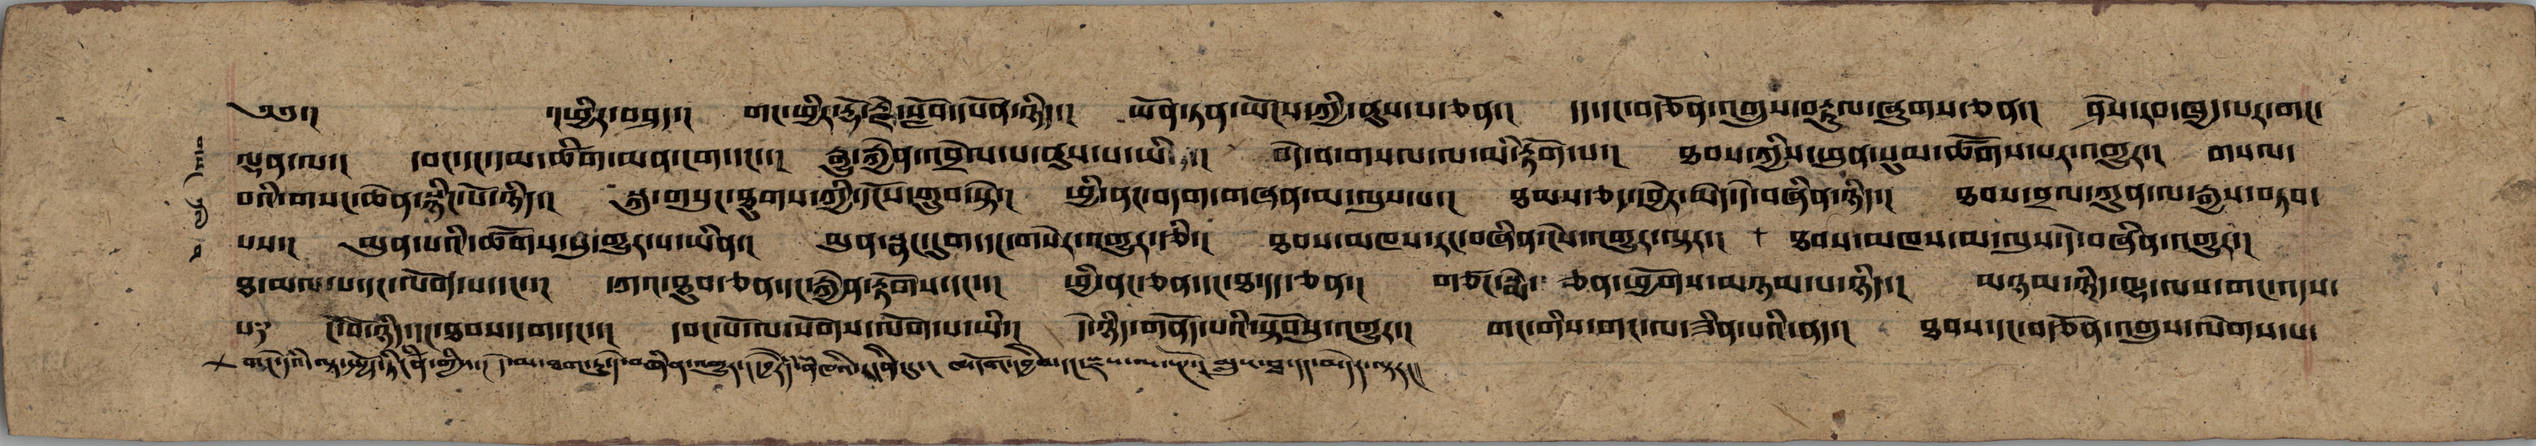༄༅་། ་།ཕྱིར་བཤད་། གང་ཕྱིར་རྡོ་རྗེ་སློབ་དཔོན་ཉིད་། ཡོན་ཏན་ཡོངས་ཀྱི་ནུས་པ་ཅན་། དད་དང་བརྩོན་འགྲུས་བརྟུལ་ཞུགས་ཅན་། ཤེས་རབ་ཁྱད་པར་གང་
ལྡན་ལ་། དབང་དང་དམ་ཚིག་མན་ངག་དང་་། རྒྱུ་རྐྱེན་འབྲེལ་པ་ནུས་པ་ཡི་། བདེ་བ་གསལ་ལ་མི་རྟོག་པ་། ཐབས་ཀྱིས་ཕུན་སུམ་ཚོགས་པར་འགྱུར་། གསལ་
བའི་གསང་ཆེན་སྙིང་པོ་ཉིད་། སྐུ་གསུང་ཐུགས་ཀྱི་དངོས་གྲུབ་སྟེ་། ཕྱི་ནང་བདག་གཞན་མ་ལུས་པ་། ཐམས་ཅད་དབྱེར་མེད་དེ་བཞིན་ཉིད་། ཐབས་བྲལ་ཀུན་ལ་རྒྱས་བཏབ་
པས་། མུན་པའི་ཚོགས་སུ་གྱུར་པ་ཡིན་། མུན་སྣང་དུག་དང་དགསེར་འགྱུར་རྩི་། ཐབས་མཁས་རང་བཞིན་ངེས་འགྱུར་ལྟར་། ཐབས་མཁས་མ་ལུས་དེ་བཞིན་འགྱུར་།
ཐ་མལ་པ་དང་ལོག་པ་དང་་། དཀའ་ཐུབ་ཅན་དང་རྐྱེན་རྟོགས་དང་་། ཕྱི་ནང་ཅན་དང་ཐ་དད་ཅན་། གཙང་སྨེ་ ཅན་ཕྱོགས་མཉམ་པ་ཉིད་། མཉམ་ཉིད་ལྷ་ལས་གང་འདས་
པ༑ ངོ་བོ་ཉིད་དང་ཐབས་དག་དང་་། དབང་པོ་ལ་སོགས་ལོག་པ་ཡི་། དེ་ཉིད་གནོད་པའི་སྟོབསུ་འགྱུར་། གང་གིས་གང་ལ་ཟིན་པའི་ནད་། ཐབས་དང་བརྩོན་འགྲུས་ལེགས་པ
གང་དེའི་ལྟ་སྤྱོད་ཏིངེཛིན་གྱིས་། དེ་མ་ཐག་ཏུ་དེ་བཞིན་འགྱུར་། དབྱེརེད་ནཾཁའི་རངནི་དུ་། ཁ་དོག་དབྱིབ་དང་སྫས་ལ་སྤོ་། མླུས་ཐ